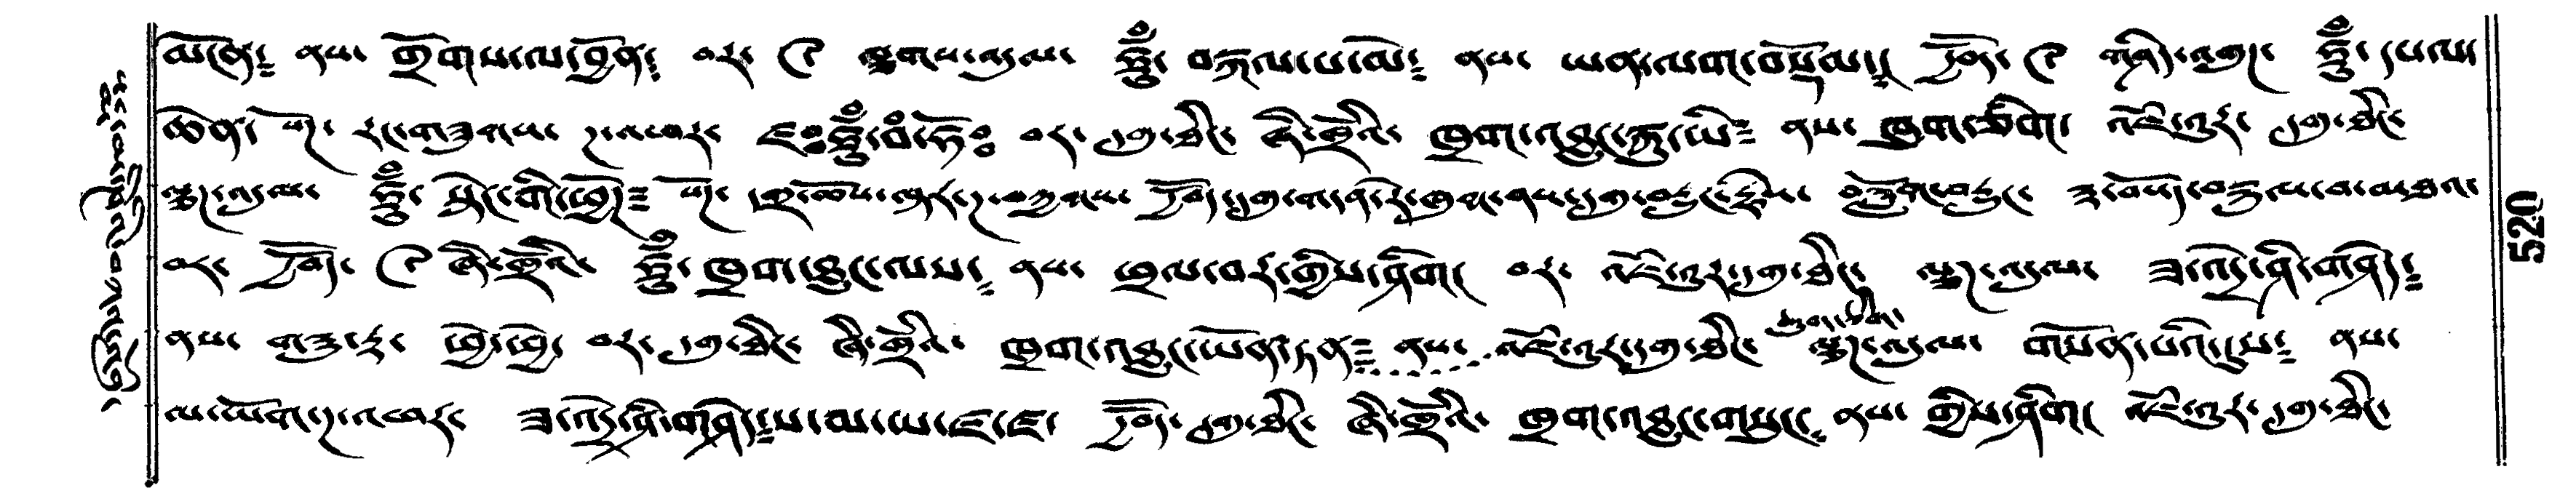མངོན༴ ནས། གྲོགས་ལ་བྱོན༔ བར། དགུ ལྕགས་འདུལ། ཧཱུྃ། བསྐལ་པ་མེ༴ ནས། ཡན་ལག་བསྡོམ༴ རྒྱོབ་སོད། དགུ གཤེད་འགུགས། ཧཱུྃ། དཔལ་
ཆེན༴ སོགས། རང་གཟུགས། ཌཱ་འཕར། ཛཿཧཱུྃ་བཾ་ཧོཿ བར་དགུ་ཐིང་། ཞི་ཁྲོའི། ཁྲག་འཐུང་སྐུ་ཡི༴ ནས། ཁུག་ཅིག༔ འཇམ་འུར། དགུ་ཐིང་། 
ལྕགས་འདུལ། ཧཱུྃ། སྟེང་གི་ཕྱོགས༴ སོགས། དགྲ་ཆོས་ལྟར་ཌཱ་བཀྱགས། རྒྱོབ་སོད་དགུ་གདན་རེ། ཁུག་ནས་དགུ་རྡུང་རྗེས། བཟློག་རྡུང་། ཟ་བསོད་བསྐུལ་བ་མཐའ་
བར། རྒྱོབ་སོད། དགུ ཞི་ཁྲོའི། ཧཱུྃ༔ཁྲག་ཐུང་ལས༴ ནས། ཕྲལ་བར་གྱིས་ཤིག༔ བར། འཇམ་འུར། དགུ་ཐིང་། ལྕགས་འདུལ། ཟ་འདྲེ་ཤི་གཤེད༴ 
ནས། གཟུ་རྟ། ཕྱེ་ཕྱེ། བར། དགུ་ཐིང་། ཞི་ཁྲོའི། ཁྲག་འཐུང་ཡོན་ཏན༴ ནས། གསོན་པའི་དུས༴ ནས་ འཇོ་འུར་དགུ་ཐིང་ ལྕགས་འདུལ་ གསོན་པའི་དུས་ ནས་
ལ་སོགས་ཌཱ་འཕར། ཟ་འདྲེ་ཤི་གཤེད༴ ས་མ་ཡ་ཛ་ཛཿ རྒྱོབ་སོད། དགུ་ཐིང་། ཞི་ཁྲོའི། ཁྲག་འཐུང་གསུང༴ ནས། གྱིས་ཤིག འཇམ་འུར། དགུ་ཐིང་།